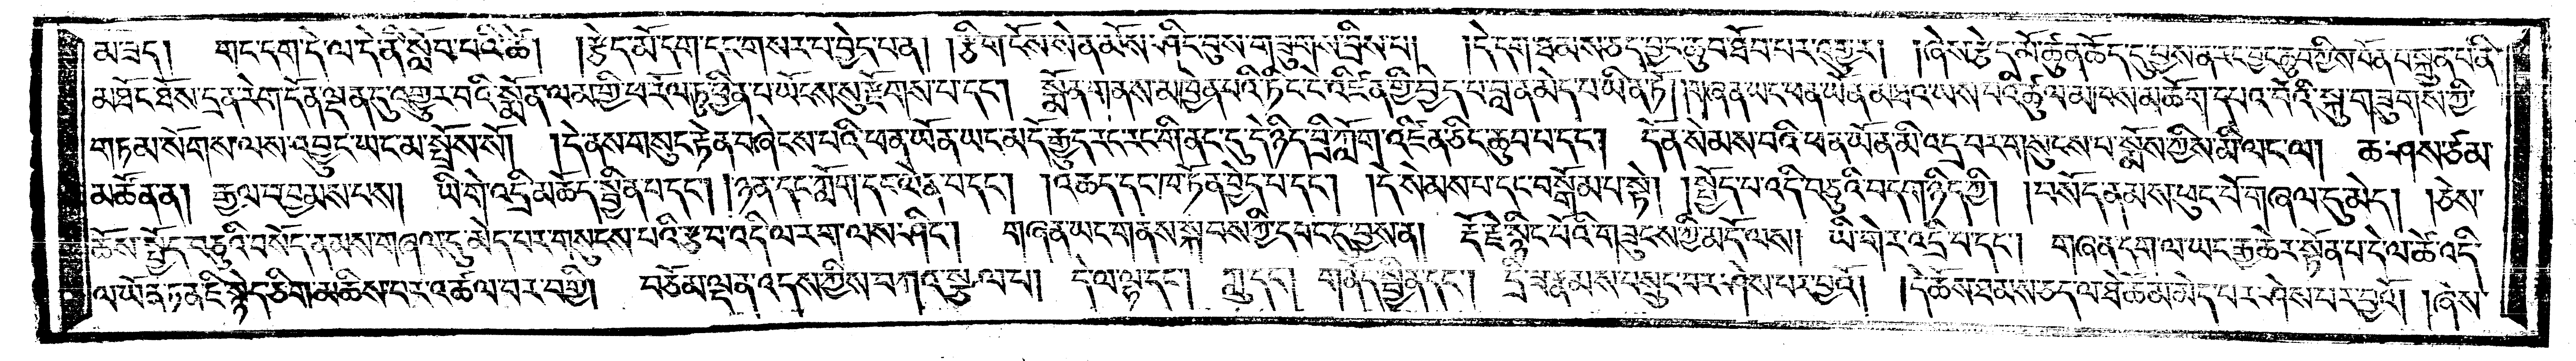མ་ཟད། གང་དག་དེ་ལ་དེ་ནི་སློབ་པའི་ཚེ། །རྩེད་མོ་དག་དང་གསར་པ་བྱེད་པ་ན། །རྩིག་ངོས་སོན་མོས་ཤིང་བུས་གཟུགས་བྲིས་པ། །དེ་དག་ཐམས་ཅད་བྱང་ཆུབ་ཐོབ་པར་འགྱུར། །ཞེས་རྩེད་མོ་ཚུན་ཆོད་དུ་བྱས་ན་རང་བྱང་ཆུབ་ཀྱི་ས་བོན་བསྐྲུན་པ་ནི།
མཐོང་ཐོས་དྲན་རེག་དོན་ལྡན་དུ་འགྱུར་བའི་སྨོན་ལམ་གྱི་ཕ་རོལ་ཏུ་ཕྱིན་པ་ཡོངས་སུ་རྫོགས་པ་དང་། སྨོན་གནས་མཁྱེན་པའི་ཏིང་ངེ་འཛིན་གྱི་བྱེད་པ་བླ་ན་མེད་པ་མིན་ཏོ། །གཞན་ཡང་ཕན་ཡོན་མཐའ་ཡས་པའི་ཚུལ་མཁས་མཆོག་དཔའ་བོའི་སྐུ་གཟུགས་ཀྱི་
གཏམ་སོགས་ལས་འབྱུང་ཡང་མ་སྤྲོས་སོ། །དེ་ནས་གསུང་རྟེན་བཞེངས་པའི་ཕན་ཡོན་ཡང་མདོ་རྒྱུད་རང་རང་གི་ནང་དུ་དེ་ཉིད་བྲི་ཀློག་འཛིན་ཅིང་ཆུབ་པ་དང་། དོན་སེམས་པའི་ཕན་ཡོན་མི་འདྲ་བར་གསུངས་པ་སྨོས་ཀྱིས་མི་ལང་ལ། ཆ་ཤས་ཙམ་
མཚོན་ན༑ རྒྱལ་བ་བྱམས་པས། ཡི་གེ་འདྲི་མཆོད་སྦྱིན་པ་དང་། །ཉན་དང་ཀློག་དང་ལེན་པ་དང་། །འཆད་དང་ཁ་ཏོན་བྱེད་པ་དང་། །དེ་སེམས་པ་དང་བསྒོམ་པ་སྟེ། །སྤྱོད་པ་འདི་བཅུའི་བདག་ཉིད་ཀྱི། །བསོད་ནམས་ཕུང་པོ་གཞལ་དུ་མེད། །ཅེས་
ཆོས་སྤྱོད་བཅུའི་བསོད་ནམས་གཞལ་དུ་མེད་པར་གསུངས་པའི་རྩ་བ་འདི་ལ་རག་ལས་ཤིང་། གཞན་ཡང་གནས་སྐབས་ཀྱི་དབང་དུ་བྱས་ན། རྡོ་རྗེ་སྙིང་པོའི་གཟུངས་ཀྱི་མདོ་ལས། ཡི་གེར་འདྲི་བ་དང་། གཞན་དག་ལ་ཡང་རྒྱ་ཆེར་སྟོན་པ་དེ་ལ་ཚེ་འདི་
ལ་ཡོན་ཏན་ཇི་སྙེད་ཅིག་མཆིས་པར་འཆོལ་བར་བགྱི། བཅོམ་ལྡན་འདས་ཀྱིས་བཀའ་སྩལ་པ། དེ་ལ་ལྷ་དང་། ཀླུ་དང་། གནོད་སྦྱིན་དང་། དྲི་ཟ་རྣམས་བསྲུང་བར་ཤེས་པར་བྱའོ། །དེ་ཆོས་ཐམས་ཅད་ལ་ཐེ་ཆོམ་མེད་པར་ཤེས་པར་བྱའོ། །ཞེས་